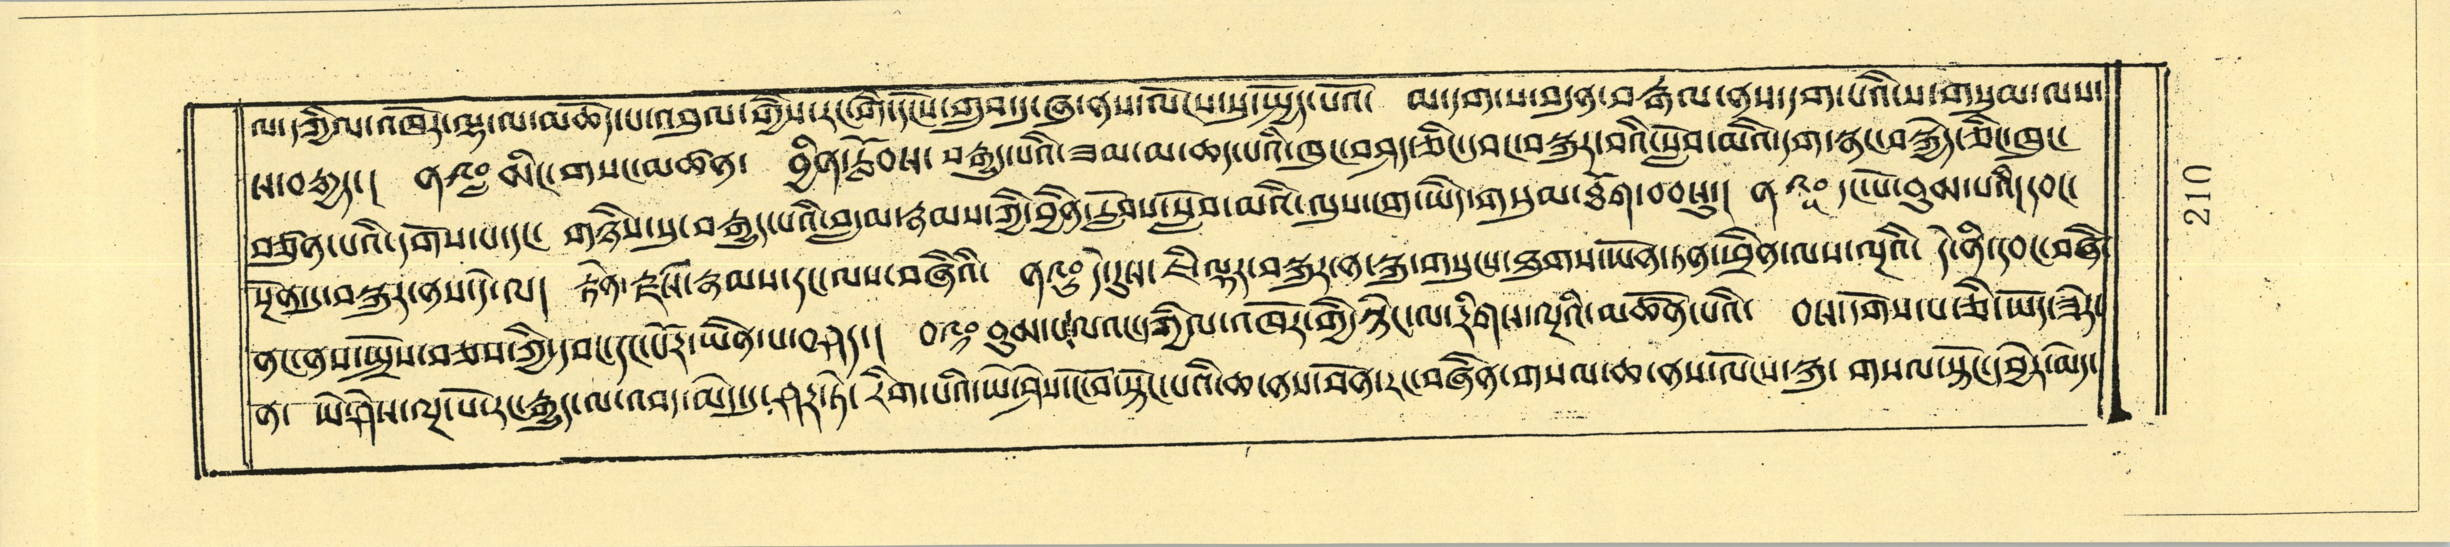ལ་དཀྱིལ་འཁོར་ལྷ་ལ་མཆོད་པ་འབུལ་གྱིས་རང་གི་དངོས་གྲུབ་དུ་ཞུ་ནས་ལོངས་སུ་སྤྱོད་པའོ། མ་དག་པ་བདུན་བརྒལ་ནས་དག་པའི་ས་གསུམ་ལས་
ས་བརྒྱད། ན༩༠།༤ ༼མིང་༽གསང་མཚན་ ༼བྱིན་རློབས་༽བརྒྱུད་པའི་ཟམ་མ་ཆད་པའི་ཁུང་བཤད་ཅིང་དབང་བསྐུར་བའི་སློབ་མའི་དག་སྣང་བསྐྱེད་ཅིང་ཁུང་
བཙུན་པའི་དགོས་པ་དང། གཉིས་སུ་བརྒྱུད་པའི་བླ་མ་རྣམས་ཀྱི་བྱིན་རློབས་སློབ་མའི་ལུས་ངག་ཡིད་གསུམ་ ༼ཐོག་བབས་སུ་༽ན༩༠།༥ དང་པོ་བུམ་པའི་དབང་
སྔོན་དུ་བསྐུར་ནས་དེ་ལ། རྟེན་རྫས་རྣམས་དང་ལས་བཞིའི། ན༩༠།༦ ༼དེ་དུས་༽ཇི་ལྟར་བསྐུར་ན་སྐུ་གསུངས་ཐུགས་ཡོན་ཏན་ཕྲིན་ལས་ལྔའི། ༼དེ་ནི་དབང་༽བཞི་
ནང་ནས་སྤྲོས་བཅས་ཀྱི་དབང་དང་པོར་ཡིན་པ་ ༼བཤད།༽བ༩༠།༡ ༼བུམ་པ་༽ལའང་དཀྱིལ་འཁོར་གྱི་སྟེང་ལ་ ༼རིགས་ལྔའི་༽མཚོན་པའི་ ༼བས་༽དགོས་པ་ཅི་ཡོད་ཟེར་
ན། ༼ཡེ་ཤེས་ལྔ་༽པོ་རང་རྒྱུད་ལ་འབད་མེད་དུ་ ༼ཤར་ཏེ་༽རིག་པའི་ཡེ་ཤེས་ངོ་བོ་སྟོང་པའི་ཆ་ནས་བོན་རང་བཞིན་གསལ་ཆ་ནས་ལོངས་སྐུ་གསལ་སྟོང་དབྱེར་མེད་